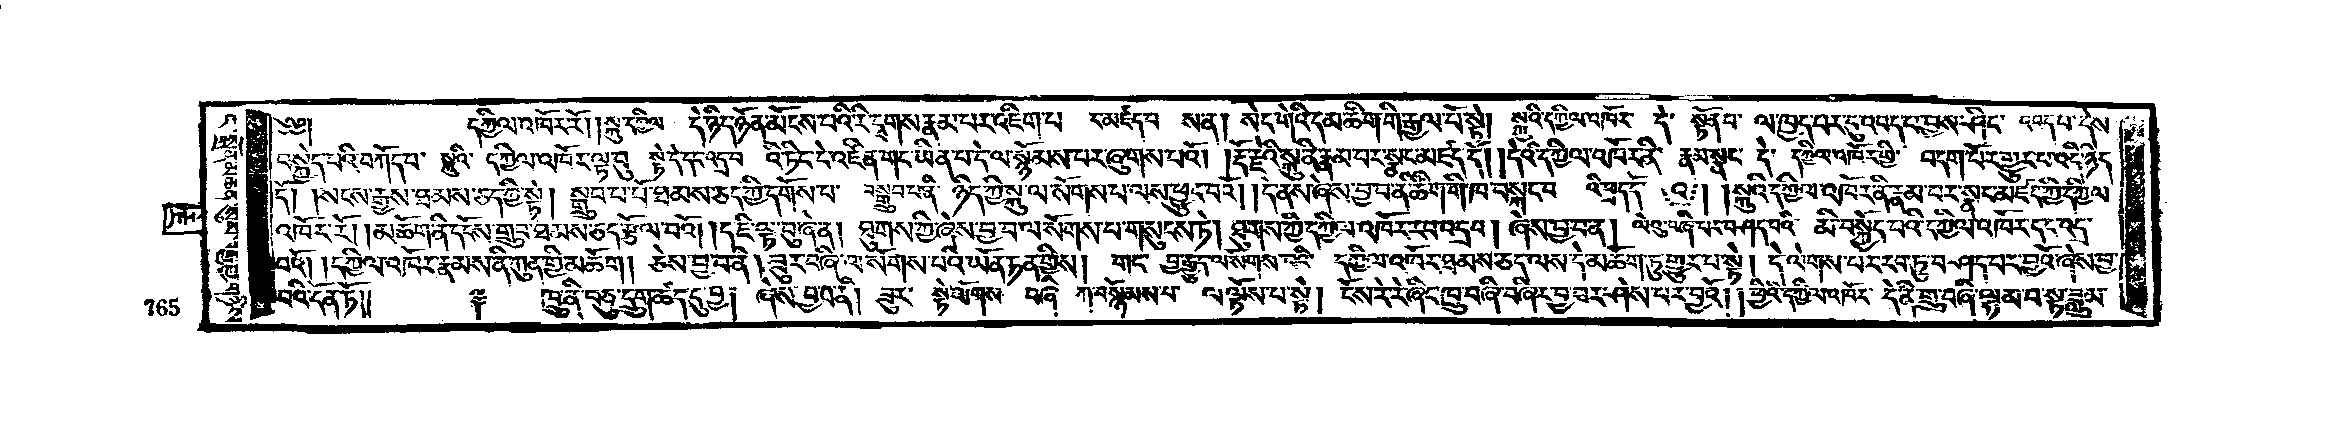༄༅། །དཀྱིལ་འཁོར་རོ། །སྐུ་དཀྱིལ་དེ་ཉིད་ཉོན་མོངས་པའི་རི་དྭགས་རྣམ་པར་འཇིག་པར་མཛད་པས་ན། སེང་གེའི་དམ་ཚིག་གི་རྒྱལ་པོ་སྟེ། སྐུའི་དཀྱིལ་འཁོར་དེ་སྟོན་པ་ལ་ཁྱད་པར་དུ་འབད་པ་བྱས་ཤིང་འབད་པ་དེས་
བསྐྱེད་པའི་བཀོད་པ་སྐུའི་དཀྱིལ་འཁོར་ལྟ་བུ་སྟེ་དེ་དང་འདྲ་བའི་ཏིང་ངེ་འཛིན་གང་ཡིན་པ་དེ་ལ་སྙོམས་པར་ཞུགས་པའོ། །རྡོ་རྗེའི་སྐུ་ནི་རྣམ་པར་སྣང་མཛད་དོ། །དེའི་དཀྱིལ་འཁོར་ནི་རྣམ་སྣང་དེ་དཀྱིལ་འཁོར་གྱི་བདག་པོར་གྱུར་པ་འདི་ཉིད་
དོ། །སངས་རྒྱས་ཐམས་ཅད་ཀྱི་སྟེ། སྒྲུབ་པ་པོ་ཐམས་ཅད་ཀྱི་དགོས་པ་བསྒྲུབ་པ་ནི་ཉིད་ཀྱི་སྐུ་ལ་སོགས་པ་ལས་ཕྱུང་བའོ། །དེ་ནས་ཞེས་བྱ་བ་ནི་ཚིག་གི་ཁ་བསྐང་བའི་ཕྲད་དོ་འ། །སྐུའི་དཀྱིལ་འཁོར་ནི་རྣམ་པར་སྣང་མཛད་ཀྱི་དཀྱིལ་
འཁོར་རོ། །མཆོག་ནི་དངོས་གྲུབ་ཐམས་ཅད་རྩོལ་བའོ། །ད་ཇི་ལྟ་བུ་ཞེ་ན། ཐུགས་ཀྱི་ཞེས་བྱ་བ་ལ་སོགས་པ་གསུངས་ཏེ། ཐུགས་ཀྱི་དཀྱིལ་འཁོར་རབ་འདྲ་བ། ཞེས་བྱ་བ་ན། ལེའུ་བཞི་པར་བཤད་པའི་མི་བསྐྱོད་པའི་དཀྱིལ་འཁོར་དང་འདྲ་
བའོ། །དཀྱིལ་འཁོར་རྣམས་ནི་ཀུན་གྱི་མཆོག། ཅེས་བྱ་བ་ནི། ཟུར་བཞི་ལ་སོགས་པའི་ཡོན་ཏན་གྱིས། གང་བྱ་རྒྱུད་ལ་སོགས་པའི་དཀྱིལ་འཁོར་ཐམས་ཅད་ལས་དེ་མཆོག་ཏུ་གྱུར་པ་སྟེ། དེ་ལེགས་པར་རབ་ཏུ་བཤད་པར་བྱའོ་ཞེས་བྱ་
བའི་དོན་ཏོ།། ༈ ཁྲུ་ནི་བཅུ་དྲུག་ཚད་དུ་བྱ། ཞེས་བྱ་བ་ནི། ཟུར་སྟེ་ལོགས་བཞི་ཀ་བསྡོམས་པ་ལ་ལྟོས་པ་སྟེ། ངོས་རེ་རེ་ཞིང་ཁྲུ་བཞི་བཞིར་བྱ་བར་ཤེས་པར་བྱའོ། །ཕྱིའི་དཀྱིལ་འཁོར་དེ་ནི་གྲུ་བཞི་ལྷམ་པ་སྟ་ཟླུམ་